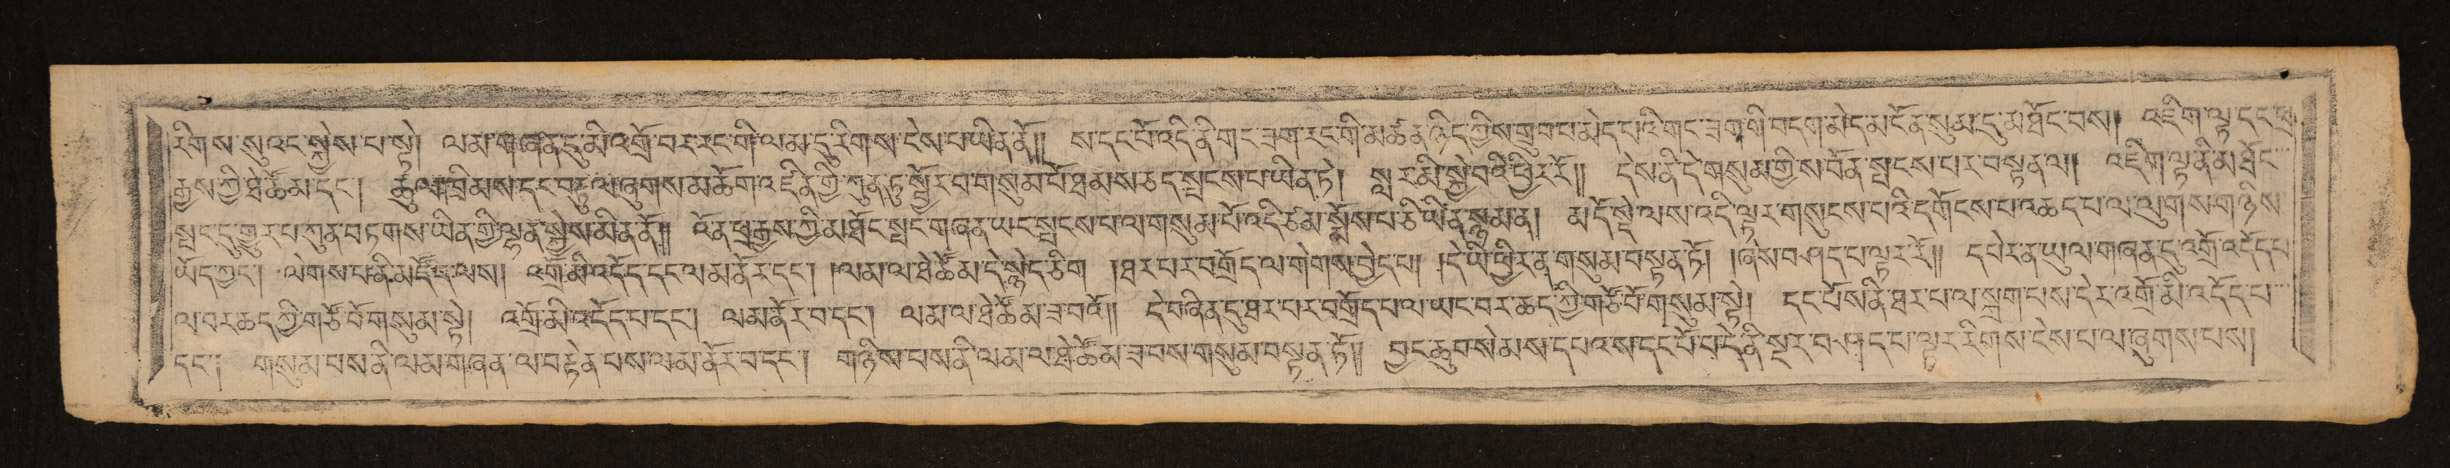རིགས་སུའང་སྐྱེས་པ་སྟེ། ལམ་གཞན་དུ་མི་འགྲོ་བར་རང་གི་ལམ་དུ་རིགས་ངེས་པ་ཡིན་ནོ།། ས་དང་པོ་འདི་ནི་གང་ཟག་རང་གི་མཚན་ཉིད་ཀྱིས་གྲུབ་པ་མེད་པའི་གང་ཟག་གི་བདག་མེད་མངོན་སུམ་དུ་མཐོང་བས། འཇིག་ལྟ་དང་ཕྲ་
རྒྱས་ཀྱི་ཐེ་ཚོམ་དང་། ཚུལ་ཁྲིམས་དང་བརྟུལ་ཞུགས་མཆོག་འཛིན་གྱི་ཀུན་ཏུ་སྦྱོར་བ་གསུམ་པོ་ཐམས་ཅད་སྤངས་པ་ཡིན་ཏེ། སླར་མི་སྐྱེ་བའི་ཕྱིར་རོ།། དེས་ནི་དེ་གསུམ་གྱི་ས་བོན་སྤངས་པར་བསྟན་ལ། འཇིག་ལྟ་ནི་མཐོང་
སྤང་དུ་གྱུར་པ་ཀུན་བཏགས་ཡིན་གྱི་ལྷན་སྐྱེས་ཡིན་ནོ།། འོ་ན་ཕྲ་རྒྱས་ཀྱི་མཐོང་སྤང་གཞན་ཡང་སྤངས་པ་ལ་གསུམ་པོ་འདི་ཙམ་སྨོས་པ་ཅི་ཡིན་སྙམ་ན། མདོ་སྡེ་ལས་འདི་ལྟར་གསུངས་པའི་དགོངས་པ་འཆད་པ་ལ་ལུགས་གཉིས་
ཡོད་ཀྱང་། ལེགས་པ་ནི་མཛོད་ལས། འགྲོ་མི་འདོད་དང་ལམ་ནོར་དང་། །ལམ་ལ་ཐེ་ཚོམ་དེ་སྙེད་ཅིག །ཐར་པར་བགྲོད་ལ་གེགས་བྱེད་པ། །དེ་ཡི་ཕྱིར་ན་གསུམ་བསྟན་ཏོ། །ཞེས་བཤད་པ་ལྟར་རོ།། དཔེར་ན་ཡུལ་གཞན་དུ་འགྲོ་འདོད་པ་
ལ་བར་ཆད་ཀྱི་གཙོ་བོ་གསུམ་སྟེ། འགྲོ་མི་འདོད་པ་དང་། ལམ་ནོར་བ་དང་། ལམ་ལ་ཐེ་ཚོམ་ཟ་བའོ།། དེ་བཞིན་དུ་ཐར་པར་བགྲོད་པ་ལ་ཡང་བར་ཆད་ཀྱི་གཙོ་བོ་གསུམ་སྟེ། དང་པོས་ནི་ཐར་པ་ལ་སྐྲག་པས་དེར་འགྲོ་མི་འདོད་པ་
དང༑ གསུམ་པས་ནི་ལམ་གཞན་ལ་བརྟེན་པས་ལམ་ནོར་བ་དང་། གཉིས་པས་ནི་ལམ་ལ་ཐེ་ཚོམ་ཟ་བས་གསུམ་བསྟན་ཏོ།། བྱང་ཆུབ་སེམས་དཔའ་ས་དང་པོ་བ་དེ་ནི་སྔར་བཤད་པ་ལྟར་རིགས་ངེས་པ་ལ་ཞུགས་པས།